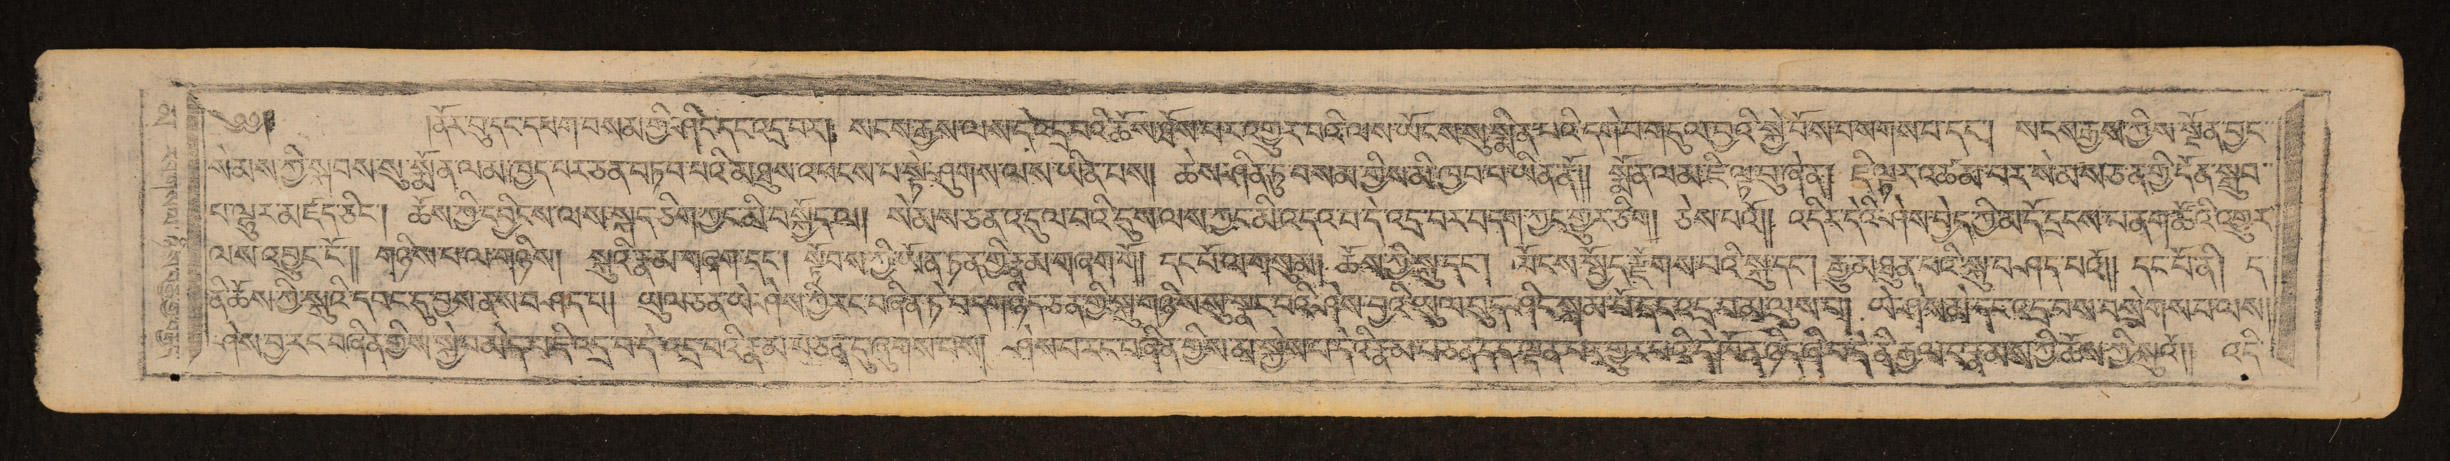༄༅། །ནོར་བུ་དང་དཔག་བསམ་གྱི་ཤིང་དང་འདྲ་བར། སངས་རྒྱས་ལས་དེ་འདྲ་བའི་ཆོས་ཐོས་པར་འགྱུར་བའི་ལས་ཡོངས་སུ་སྨིན་པའི་དགེ་བ་གདུལ་བྱའི་སྐྱེ་བོས་བསགས་པ་དང་། སངས་རྒྱས་ཀྱིས་སྔོན་བྱང་
སེམས་གྱི་སྐབས་སུ་སྨོན་ལམ་ཁྱད་པར་ཅན་བཏབ་པའི་མཐུས་འཕངས་པ་སྟེ་ཤུགས་ལས་ཡིན་པས། ཆེས་ཤིན་ཏུ་བསམ་གྱིས་མི་ཁྱབ་པ་ཡིན་ནོ།། སྨོན་ལམ་ཇི་ལྟ་བུ་ཞེ་ན། ཇི་ལྟར་འཚམ་པར་སེམས་ཅན་གྱི་དོན་སྒྲུབ་
པ་ལྷུར་མཛད་ཅིང་། ཆོས་ཀྱི་དབྱིངས་ལས་སྐད་ཅིག་ཀྱང་མི་བསྐྱོད་ལ། སེམས་ཅན་འདུལ་བའི་དུས་ལས་ཀྱང་མི་འདའ་བ་དེ་འདྲ་བར་བདག་ཀྱང་གྱུར་ཅིག། ཅེས་པའོ།། འདིར་དེའི་ཤེས་བྱེད་ཀྱི་མདོ་དྲངས་པ་ནག་ཚོའི་འགྱུར་
ལས་འབྱུང་ངོ།། གཉིས་པ་ལ་གཉིས། སྐུའི་རྣམ་གཞག་དང་། སྟོབས་ཀྱི་ཡོན་ཏན་གྱི་རྣམ་གཞག་གོ། དང་པོ་ལ་གསུམ། ཆོས་ཀྱི་སྐུ་དང་། ལོངས་སྤྱོད་རྫོགས་པའི་སྐུ་དང་། རྒྱུ་མཐུན་པའི་སྐུ་བཤད་པའོ།། དང་པོ་ནི། ད་
ནི་ཆོས་ཀྱི་སྐུའི་དབང་དུ་བྱས་ནས་བཤད་པ། ཡུལ་ཅན་ཡེ་ཤེས་ཀྱི་རང་བཞིན་ཏེ་བདག་ཉིད་ཅན་གྱི་སྐུ་གཉིས་སུ་སྣང་བའི་ཤེས་བྱའི་ཡུལ་བུད་ཤིང་སྐམ་པོ་དང་འདྲ་བ་མ་ལུས་པ། ཡེ་ཤེས་མེ་དང་འདྲ་བས་བསྲེགས་པ་ལས།
ཤེས་བྱ་རང་བཞིན་གྱིས་སྐྱེ་བ་མེད་པ་ཇི་འདྲ་བ་དེ་འདྲ་བའི་རྣམ་པ་ཅན་དུ་ཞུགས་པས། ཤེས་པ་རང་བཞིན་གྱིས་མ་སྐྱེས་པ་དེའི་རྣམ་པ་ཅན་དང་ལྡན་པར་གྱུར་པའི་དེ་ཁོ་ན་ཉིད་ཞི་བ་དེ་ནི་རྒྱལ་བ་རྣམས་ཀྱི་ཆོས་ཀྱི་སྐུའོ།། འདི་